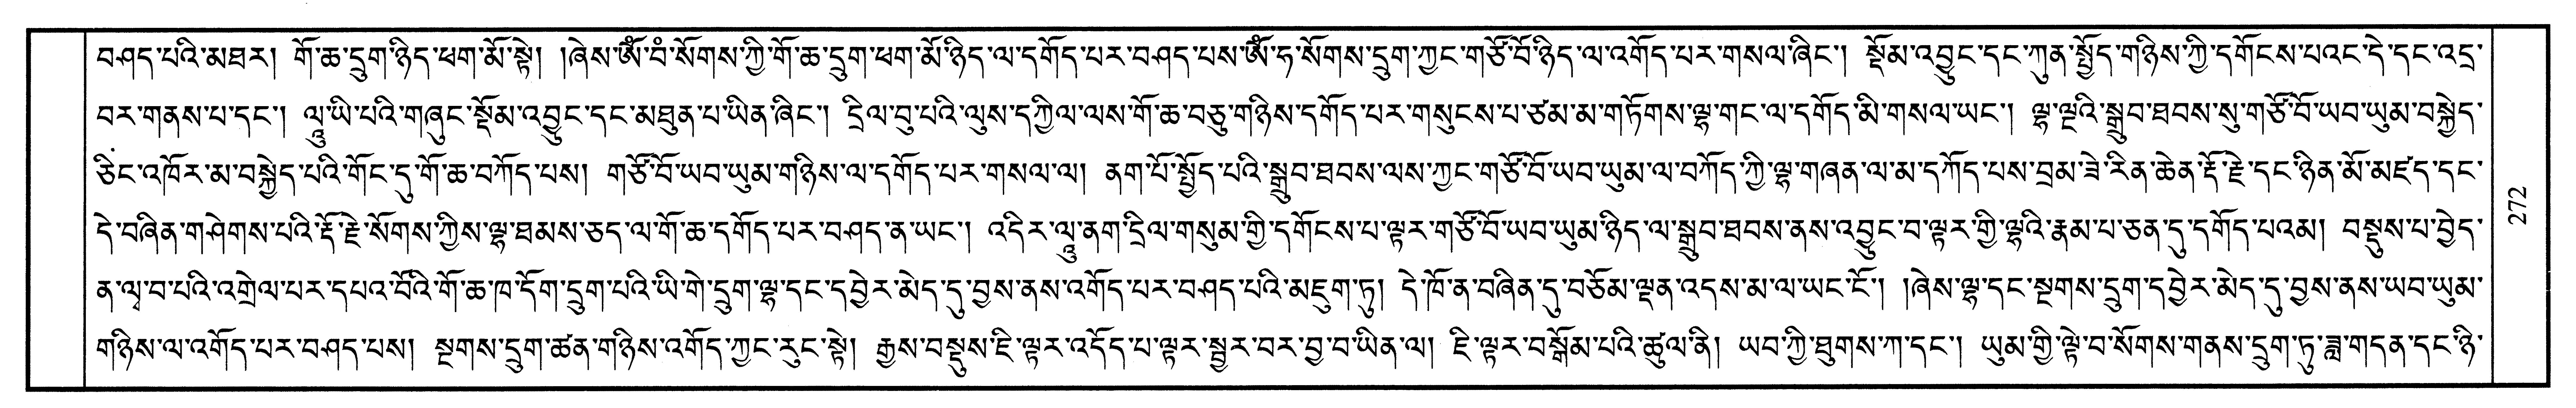བཤད་པའི་མཐར། གོ་ཆ་དྲུག་ཉིད་ཕག་མོ་སྟེ། །ཞེས་ཨོཾ་བཾ་སོགས་ཀྱི་གོ་ཆ་དྲུག་ཕག་མོ་ཉིད་ལ་དགོད་པར་བཤད་པས་ཨོཾ་ཧ་སོགས་དྲུག་ཀྱང་གཙོ་བོ་ཉིད་ལ་འགོད་པར་གསལ་ཞིང་། སྡོམ་འབྱུང་དང་ཀུན་སྤྱོད་གཉིས་ཀྱི་དགོངས་པའང་དེ་དང་འདྲ་
བར་གནས་པ་དང་། ལཱུ་ཡི་པའི་གཞུང་སྡོམ་འབྱུང་དང་མཐུན་པ་ཡིན་ཞིང་། དྲིལ་བུ་པའི་ལུས་དཀྱིལ་ལས་གོ་ཆ་བཅུ་གཉིས་དགོད་པར་གསུངས་པ་ཙམ་མ་གཏོགས་ལྷ་གང་ལ་དགོད་མི་གསལ་ཡང་། ལྷ་ལྔའི་སྒྲུབ་ཐབས་སུ་གཙོ་བོ་ཡབ་ཡུམ་བསྐྱེད་
ཅིང་འཁོར་མ་བསྐྱེད་པའི་གོང་དུ་གོ་ཆ་བཀོད་པས། གཙོ་བོ་ཡབ་ཡུམ་གཉིས་ལ་དགོད་པར་གསལ་ལ། ནག་པོ་སྤྱོད་པའི་སྒྲུབ་ཐབས་ལས་ཀྱང་གཙོ་བོ་ཡབ་ཡུམ་ལ་བཀོད་ཀྱི་ལྷ་གཞན་ལ་མ་དཀོད་པས་བྲམ་ཟེ་རིན་ཆེན་རྡོ་རྗེ་དང་ཉིན་མོ་མཛད་དང་
དེ་བཞིན་གཤེགས་པའི་རྡོ་རྗེ་སོགས་ཀྱིས་ལྷ་ཐམས་ཅད་ལ་གོ་ཆ་དགོད་པར་བཤད་ན་ཡང་། འདིར་ལཱུ་ནག་དྲིལ་གསུམ་གྱི་དགོངས་པ་ལྟར་གཙོ་བོ་ཡབ་ཡུམ་ཉིད་ལ་སྒྲུབ་ཐབས་ནས་འབྱུང་བ་ལྟར་གྱི་ལྷའི་རྣམ་པ་ཅན་དུ་དགོད་པའམ། བསྡུས་པ་བྱེད་
ན་ལྭ་བ་པའི་འགྲེལ་པར་དཔའ་བོའི་གོ་ཆ་ཁ་དོག་དྲུག་པའི་ཡི་གེ་དྲུག་ལྷ་དང་དབྱེར་མེད་དུ་བྱས་ནས་འགོད་པར་བཤད་པའི་མཇུག་ཏུ། དེ་ཁོ་ན་བཞིན་དུ་བཅོམ་ལྡན་འདས་མ་ལ་ཡང་ངོ། །ཞེས་ལྷ་དང་སྔགས་དྲུག་དབྱེར་མེད་དུ་བྱས་ནས་ཡབ་ཡུམ་
གཉིས་ལ་འགོད་པར་བཤད་པས། སྔགས་དྲུག་ཚན་གཉིས་འགོད་ཀྱང་རུང་སྟེ། རྒྱས་བསྡུས་ཇི་ལྟར་འདོད་པ་ལྟར་སྦྱར་བར་བྱ་བ་ཡིན་ལ། ཇི་ལྟར་བསྒོམ་པའི་ཚུལ་ནི། ཡབ་ཀྱི་ཐུགས་ཀ་དང་། ཡུམ་གྱི་ལྟེ་བ་སོགས་གནས་དྲུག་ཏུ་ཟླ་གདན་དང་ཉི་